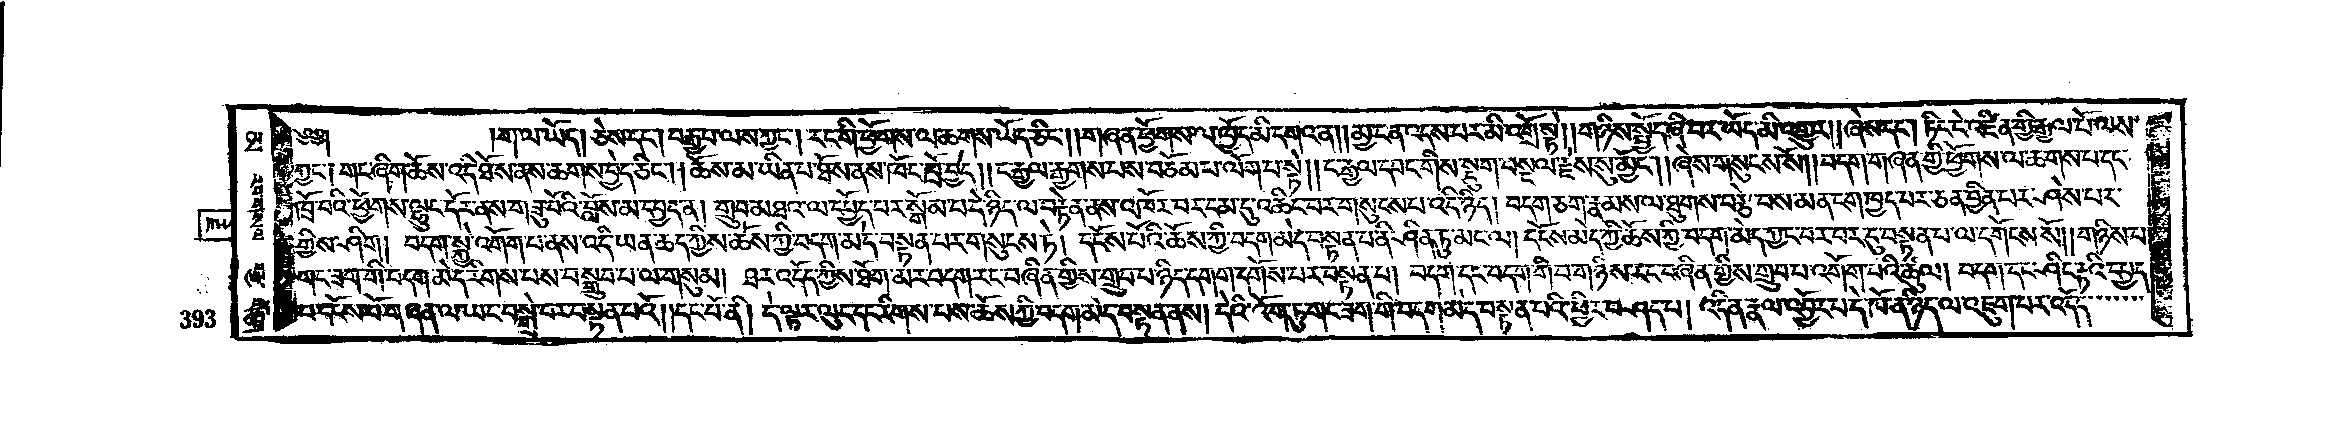༄༅། །ག་ལ་ཡོད། ཅེས་དང་། བརྒྱ་པ་ལས་ཀྱང་། རང་གི་ཕྱོགས་ལ་ཆགས་ཡོད་ཅིང་། །གཞན་ཕྱོགས་ལ་ཁྱོད་མི་དགའ་ན། །མྱ་ངན་འདས་པར་མི་འགྲོ་སྟེ། །གཉིས་སྤྱོད་ཞི་བར་ཡོད་མི་འགྱུར། །ཞེས་དང་། ཏིང་ངེ་འཛིན་གྱི་རྒྱལ་པོ་ལས་
ཀྱང་། གང་ཞིག་ཆོས་འདི་ཐོས་ནས་ཆགས་བྱེད་ཅིང་། །ཆོས་མ་ཡིན་པ་ཐོས་ནས་ཁོང་ཁྲོ་བྱེད། །ང་རྒྱལ་རྒྱགས་པས་བཅོམ་པ་ལོག་པ་སྟེ། །ང་རྒྱལ་དབང་གིས་སྡུག་བསྔལ་རྗེས་སུ་མྱོང་། །ཞེས་གསུངས་སོ། །བདག་གཞན་གྱི་ཕྱོགས་ལ་ཆགས་པ་དང་
ཁྲོ་བའི་ཕྱོགས་ལྷུང་དོར་ནས་གཟུ་བོའི་བློས་མ་དཔྱད་ན། གྲུབ་མཐའ་ལ་དཔྱོད་པར་སྒོམ་པ་དེ་ཉིད་ལ་བརྟེན་ནས་འཁོར་བར་དམ་དུ་འཆིང་བར་གསུངས་པ་འདི་ཉིད། བདག་ཅག་རྣམས་ལ་ཐུགས་བརྩེ་བས་མན་ངག་ཁྱད་པར་ཅན་བྱིན་པར་ཤེས་པར་
གྱིས་ཤིག །བདག་སྐྱེ་འགོག་པ་ནས་འདི་ཡན་ཆད་ཀྱིས་ཆོས་ཀྱི་བདག་མེད་བསྟན་པར་གསུངས་ཏེ། དངོས་པོའི་ཆོས་ཀྱི་བདག་མེད་བསྟན་པ་ནི་ཤིན་ཏུ་མང་ལ། དངོས་མེད་ཀྱི་ཆོས་ཀྱི་བདག་མེད་ཀྱང་བར་བར་དུ་བསྟན་པ་ལ་དགོངས་སོ། ༈ །གཉིས་པ་
གང་ཟག་གི་བདག་མེད་རིགས་པས་བསྒྲུབ་པ་ལ་གསུམ། ཐར་འདོད་ཀྱིས་ཐོག་མར་བདག་རང་བཞིན་གྱིས་གྲུབ་པ་ཉིད་དགག་དགོས་པར་བསྟན་པ། བདག་དང་བདག་གི་བ་གཉིས་རང་བཞིན་གྱིས་གྲུབ་པ་འགོག་པའི་ཚུལ། བདག་དང་ཤིང་རྟའི་དཔྱད་
པ་དངོས་པོ་གཞན་ལ་ཡང་བསྒྲེ་བར་བསྟན་པའོ། །དང་པོ་ནི། དེ་ལྟར་ལུང་དང་རིགས་པས་ཆོས་ཀྱི་བདག་མེད་བསྟན་ནས། དེའི་འོག་ཏུ་གང་ཟག་གི་བདག་མེད་བསྟན་པའི་ཕྱིར་བཤད་པ། འདི་ན་རྣལ་འབྱོར་པ་དེ་ཁོ་ན་ཉིད་ལ་འཇུག་པར་འདོད་